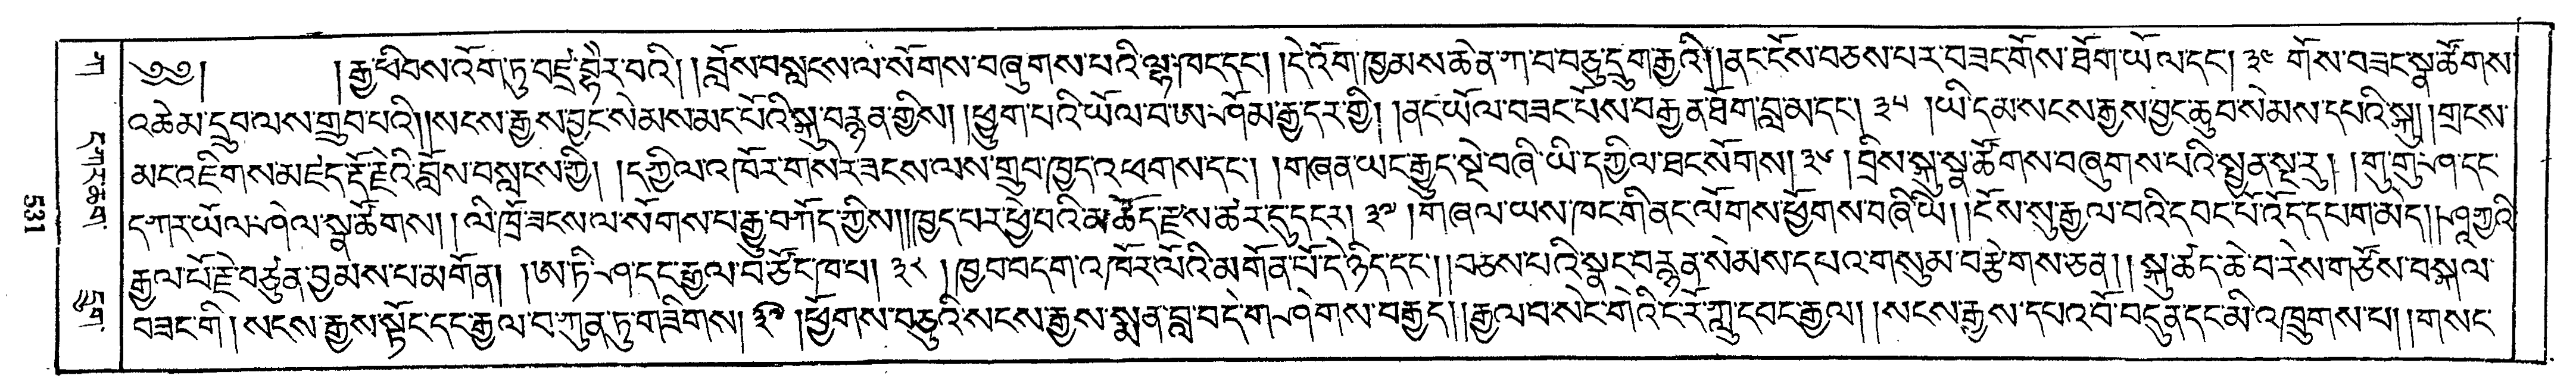༄༅། །རྒྱ་ཕིབས་འོག་ཏུ་བཛྲ་བྷཻར་བའི། །བློས་བསླངས་ལ་སོགས་བཞུགས་པའི་ལྷ་ཁང་དང་། །དེ་འོག་ཁྱམས་ཆེན་ཀ་བ་བཅུ་དྲུག་རྒྱའི། །ནང་ངོས་བཅས་པར་བཟང་གོས་ཐོག་ཡོལ་དང་། ༣༤་གོས་བཟང་སྣ་ཚོགས་
འཆེམ་དྲུབ་ལས་གྲུབ་པའི། །སངས་རྒྱས་བྱང་སེམས་མང་པོའི་སྐུ་བརྙན་གྱིས། །ཕྱུག་པའི་ཡོལ་བ་ཨ་ཤོམ་རྒྱ་དར་གྱི། །ནང་ཡོལ་བཟང་པོས་བརྒྱན་ཐོག་བླ་མ་དང་། ༣༥་།ཡི་དམ་སངས་རྒྱས་བྱང་ཆུབ་སེམས་དཔའི་སྐུ། གྲངས་
མང་འཇིགས་མཛད་རྡོ་རྗེའི་བློས་བསླངས་ཀི། །དཀྱིལ་འཁོར་གསེར་ཟངས་ལས་གྲུབ་ཁྱད་འཕགས་དང་། །གཞན་ཡང་རྒྱུད་སྡེ་བཞི་ཡི་དཀྱིལ་ཐང་སོགས། ༣༦། བྲིས་སྐུ་སྣ་ཚོགས་བཞུགས་པའི་སྤྱན་སྔ་རུ། །གུ་གུ་ཤ་དང་
དཀར་ཡོལ་ཤེལ་སྣ་ཚོགས། །ལི་ཁྲོ་ཟངས་ལ་སོགས་པ་རྒྱུ་བཀོད་ཀྱིས། །ཁྱད་པར་ཕྱེ་བའི་མཆོད་རྫས་ཚར་དུ་དངར། ༢༧་།གཞལ་ཡས་ཁང་གི་ནང་ལོགས་ཕྱོགས་བཞི་ཡི། །ངོས་སུ་རྒྱལ་བའི་དབང་པོ་འོད་དཔག་མེད། །ཤཱཀྱའི་
རྒྱལ་པོ་རྗེ་བཙུན་བྱམས་པ་མགོན། །ཨ་ཏི་ཤ་དང་རྒྱལ་བ་ཙོང་ཁ་པ། ༣༨། །ཁྱབ་བདག་འཁོར་ལོའི་མགོན་པོ་དེ་ཉིད་དང་། །བཅས་པའི་སྣང་བརྙན་སེམས་དཔའ་གསུམ་བརྩེགས་ཅན། །སྐུ་ཚད་ཆེ་བ་རེས་གཙོས་བསྐལ་
བཟང་གི །སངས་རྒྱས་སྟོང་དང་རྒྱལ་བ་ཀུན་ཏུ་གཟིགས། ༣༧་།ཕྱོགས་བཅུའི་སངས་རྒྱས་སྨན་བླ་བདེ་གཤེགས་བརྒྱད། །རྒྱལ་བ་སེང་གེའི་ང་རོ་ཀླུ་དབང་རྒྱལ། །སངས་རྒྱས་དཔའ་བོ་བདུན་དང་མི་འཁྲུགས་པ། །གསང་